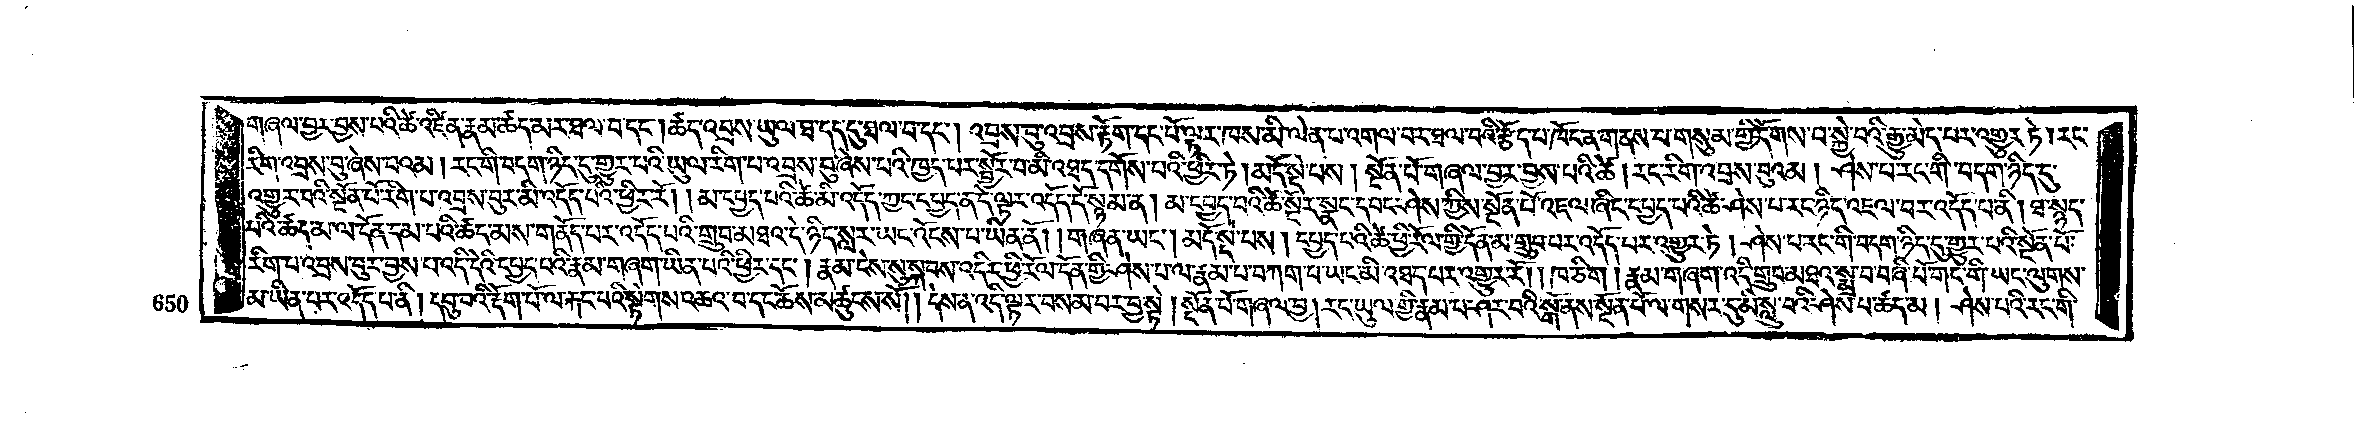གཞལ་བྱར་བྱས་པའི་ཚེ་འཛིན་རྣམ་ཚད་མར་ཐལ་བ་དང་། ཚད་འབྲས་ཡུལ་ཐ་དད་དུ་ཐལ་བ་དང་། འབྲས་བུ་འབྲས་རྟོག་དང་པོ་ལྟར་ཁས་ལེན་པ་འགལ་བར་ཐལ་བའི་རྩོད་པ་ཁོང་ན་གནས་པ་གསུམ་གྱི་དོགས་པ་སྐྱེ་བའི་རྒྱུ་མེད་པར་འགྱུར་ཏེ། རང་
རིག་འབྲས་བུ་ཞེས་པའམ། རང་གི་བདག་ཉིད་དུ་གྱུར་པའི་ཡུལ་རིག་པ་འབྲས་བུ་ཞེས་པའི་ཁྱད་པར་སྦྱོར་མི་འཐད་དགོས་པའི་ཕྱིར་ཏེ། མདོ་སྡེ་པས། སྔོན་པོ་གཞལ་བྱར་བྱས་པའི་ཚེ། རང་རིག་འབྲས་བུའམ། ཤེས་པར་རང་གི་བདག་ཉིད་དུ་
འགྱུར་བའི་སྔོན་པོ་རིག་པ་འབྲས་བུར་མི་འདོད་པའི་ཕྱིར་རོ། །མ་དཔྱད་པའི་ཚེ་མི་འདོད་ཀྱང་དཔྱད་ན་དེ་ལྟར་འདོད་དོ་སྙམ་ན། མ་དཔྱད་པའི་ཚེ་སྔོར་སྣང་དབང་ཤེས་ཀྱིས་སྔོན་པོ་འཇལ་ཞིང་དཔྱད་པའི་ཚེ་ཤེས་པ་རང་ཉིད་འཇལ་བར་འདོད་པ་ནི། ཐ་སྙད་
པའི་ཚད་མ་ལ་དོན་དམ་པའི་ཚད་མས་གནོད་པར་འདོད་པའི་གྲུབ་མཐའ་དེ་ཉིད་སླར་ཡང་འོངས་པ་ཡིན་ནོ། །གཞན་ཡང་། མདོ་སྡེ་པས། དཔྱད་པའི་ཚེ་ཕྱི་རོལ་གྱི་དོན་མ་གྲུབ་པར་འདོད་པར་འགྱུར་ཏེ། ཤེས་པ་རང་གི་བདག་ཉིད་དུ་གྱུར་པའི་སྔོན་པོ་
རིག་པ་འབྲས་བུར་བྱས་པ་འདི་དེའི་དཔྱད་པའི་རྣམ་གཞག་ཡིན་པའི་ཕྱིར་དང་། རྣམ་ངེས་སུ་སྐབས་འདིར་ཕྱི་རོལ་དོན་གྱི་ཤེས་པ་ལ་རྣམ་པ་བཀག་པ་ཡང་མི་འཐད་པར་འགྱུར་རོ། །ཁ་ཅིག །རྣམ་གཞག་འདི་གྲུབ་མཐའ་སྨྲ་བ་བཞི་པོ་གང་གི་ཡང་ལུགས་
མ་ཡིན་པར་འདོད་པ་ནི། དབུ་བའི་རྡོག་པོ་ལ་རྐང་པ་སྟེགས་འཆའ་བ་དང་ཆོས་མཚུངས་སོ། །དེས་ན་འདི་ལྟར་བསམ་པར་བྱ་སྟེ། སྔོན་པོ་གཞལ་བྱ། རང་ཡུལ་གྱི་རྣམ་པར་ཤར་བའི་སྒོ་ནས་སྔོན་པོ་ལ་གསར་དུ་མི་སླུ་བའི་ཤེས་པ་ཚད་མ། ཤེས་པའི་རང་གི་